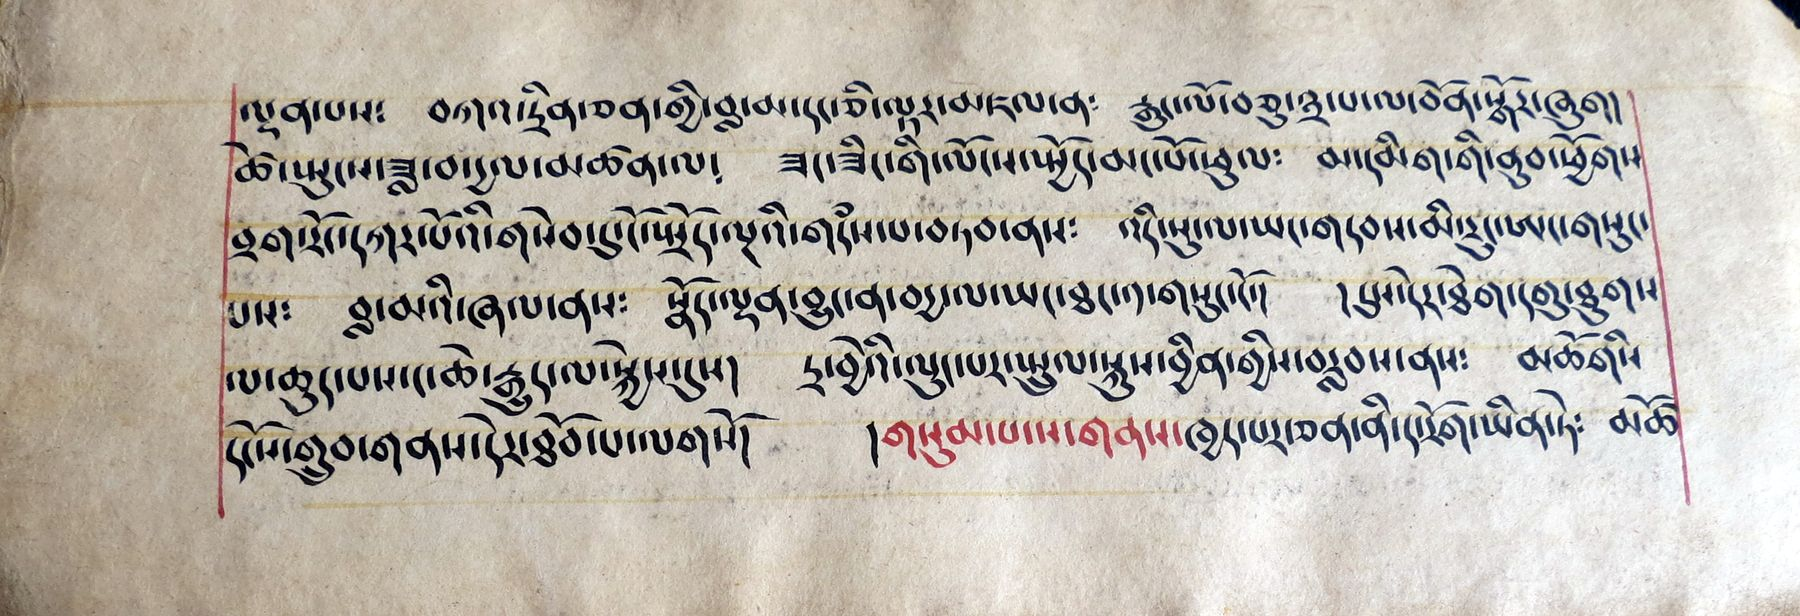ལྡན་པས། བཀའ་དྲིན་ཅན་གྱི་བླ་མ་དང་ཅི་ལྟར་མཇལ་ན། དགུང་ལོ་བཅུ་གསུམ་པ་ལ་བོན་སྒོར་ཞུགས། 
ཚེ་སྤུངས་ཟླ་བ་རྒྱལ་མཚན་ལ་ཟང་ཟིང་གི་ལོངས་སྤྱོད་མང་པོ་ཕུལ། མ་དམིག་གི་ནུབ་ཕྱོགས་
བྲག་རོང་དཀར་པོའི་གསེབ་ཏུ་ངོ་སྤྲོད་ལྔའི་གདམས་པ་བཏབ་ནས། འདི་སུ་ལ་ཡང་གདབ་མི་རུང་ཨང་གསུང་
བས། བླ་མའི་ཞལ་ནས་སྣོད་ལྡན་བྱུང་ན་བརྒྱ་ལ་ཡང་ཐང་ཅིག་གསུང་ངོ་། །དུས་དེར་ཐུགས་དགུ་ཐུགས་
ལ་ཆུད་པས་ང་ཆེ་རྒྱུད་ལ་སྐྱེས་དུས། དྲ་བྱེའི་ལུང་པར་སྤྲུལ་སྐུས་བྱིན་གྱིས་བརླབས་ནས། མཆོག་གི་
དངོས་གྲུབ་གནས་དེར་ཐོབ་པ་ལགས་སོ། །གསུམ་པ་ས་གནས་ཁྱད་པར་ཅན་ནི་ཡུལ་ད་རོག་ཡིན་ཏེ། མཚོ་